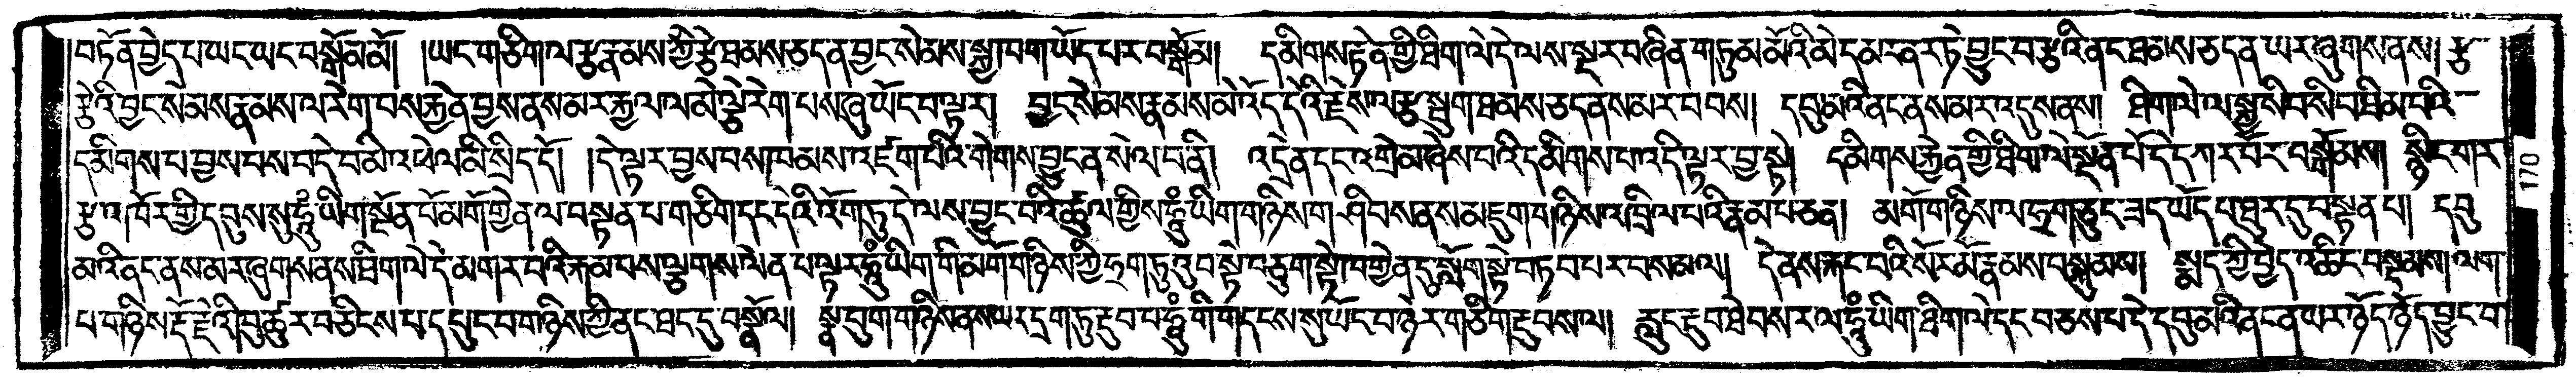བཏོན་བྱེད་པ་ཡང་ཡང་བསྒོམ་མོ། །ཡང་གཅིག་ལ་རྩ་རྣམས་ཀྱི་རྩེ་ཐམས་ཅད་ན་བྱང་སེམས་སྐྱ་ཁག་ཡོད་པར་བསྒོམ། དམིགས་རྟེན་གྱི་ཐིག་ལེ་དེ་ལས་སྔར་བཞིན་གཏུམ་མོའི་མེ་དམར་ནར་ཏེ་བྱུང་བ་རྩའི་ནང་ཐམས་ཅད་ན་ཡར་ཞུགས་ནས། རྩ་
རྩེའི་བྱང་སེམས་རྣམས་ལ་རེག་བས་རྐྱེན་བྱས་ནས་མར་རྐྱལ་ལ་མེ་ལྕེ་རེག་པས་ཞུ་ཡོང་བ་ལྟར། བྱང་སེམས་རྣམས་མེ་འོད་དེའི་རྗེས་ལ་རྩ་སྦུག་ཐམས་ཅད་ནས་མར་བབས། དབུ་མའི་ནང་ནས་མར་འདུས་ནས། ཐིག་ལེ་ལ་སྐྱ་སིབ་སིབ་ཐིམ་པའི་
དམིགས་པ་བྱས་བས་བདེ་བ་མི་འཕེལ་མི་སྲིད་དོ། །དེ་ལྟར་བྱས་པས་ཁམས་འཛག་པའི་གེགས་བྱུང་ན་སེལ་བ་ནི། འདྲེན་དང་འགྲེམ་ཞེས་པའི་དམིགས་པ་འདི་ལྟར་བྱ་སྟེ། དམིགས་རྐྱེན་གྱི་ཐིག་ལེ་སྔོན་པོ་དེ་དཀར་པོར་བསྒོམས། སྙིང་གར་
རྩ་འཁོར་གྱི་དབུས་སུ་ཧཱུཾ་ཡིག་སྔོན་པོ་མགོ་གྱེན་ལ་བསྟན་པ་གཅིག་དང་དེའི་འོག་ཏུ་དེ་ལས་བྱུང་བའི་ཚུལ་གྱིས་ཧཱུཾ་ཡིག་གཉིས་གཤིབས་ནས་མཇུག་གཉིས་འཁྲིལ་བའི་རྣམ་པ་ཅན། མགོ་གཉིས་ལ་ཧྲག་ཅུང་ཟད་ཡོད་པ་ཐུར་དུ་བསྟན་པ། དབུ་
མའི་ནང་ནས་མར་ཞུགས་ནས་ཐིག་ལེ་དེ་མགར་བའི་རྐམ་པས་ལྕགས་ལེན་པ་ལྟར་ཧཱུཾ་ཡིག་གི་མགོ་གཉིས་ཀྱི་ཧྲག་ཏུ་འུབ་སྟེ་བཅུག་སྟེ་ཁ་གྱེན་དུ་སློག་སྟེ་བཏབ་པར་བསམ་ལ། དེ་ནས་རྐང་བའི་སོར་མོ་རྣམས་བསྐུམས། སྨད་ཀྱི་བྱེད་འཆིང་བསྡམས། ལག་
པ་གཉིས་རྡོ་རྗེའི་ཁུ་ཚུར་བཅིངས་པ་དཔུང་བ་གཉིས་ཀྱི་ནང་ཐང་དུ་བསྣོལ། སྣ་བུག་གཉིས་ནས་ལར་དྲག་ཏུ་རྡུབ་པ་ཧཱུཾ་གི་གདངས་སུ་ཡོད་བ་ཉེར་གཅིག་རྡུབས་ལ། རླུང་རྡུབ་ཐེབས་རལ་ཧཱུཾ་ཡིག་ཐིག་ལེ་དང་བཅས་པ་དེ་དབུ་མའི་ནང་ན་ཡར་ཉོད་ཉོད་བྱུང་བ་